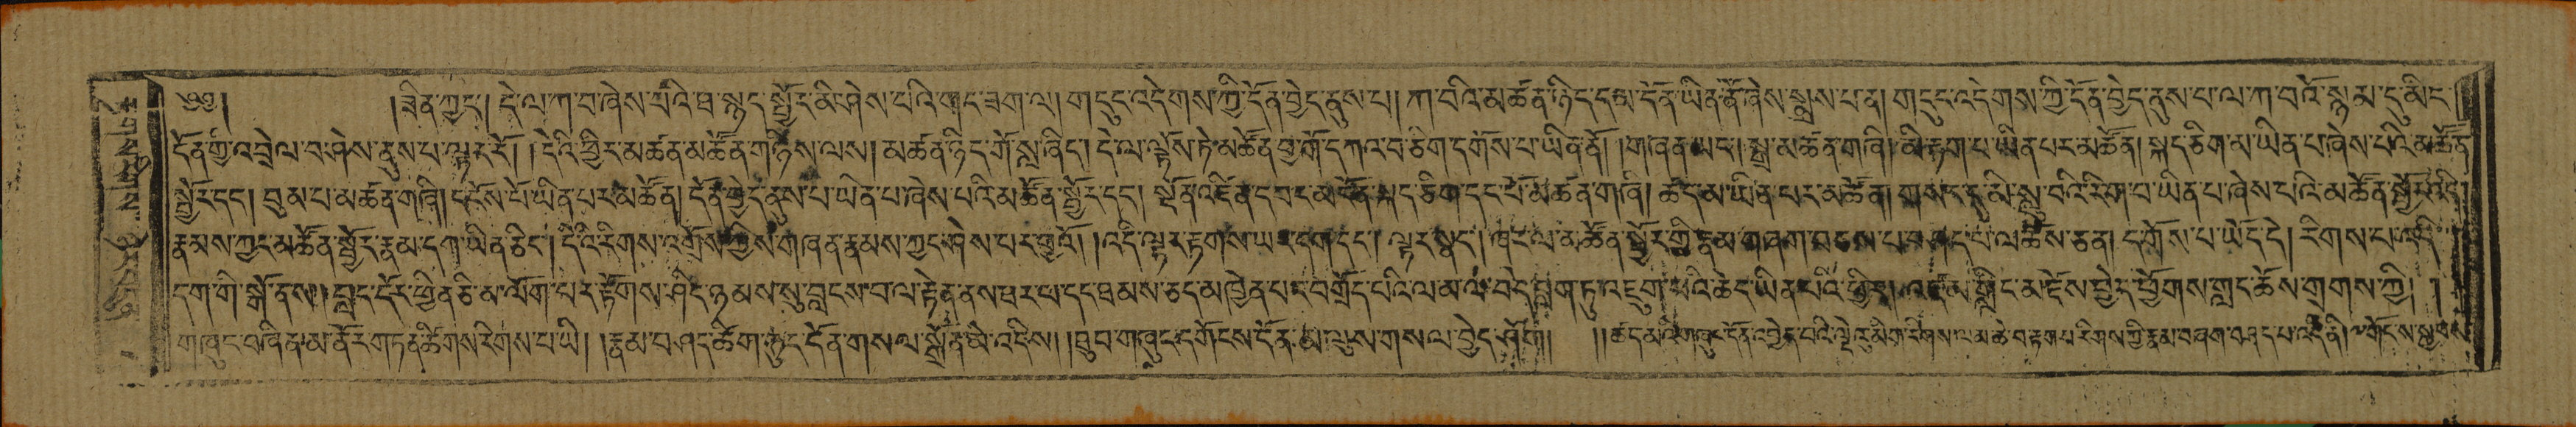༄༅། །ཟིན་ཀྱང་། དེ་ལ་ཀ་བ་ཞེས་པའི་ཐ་སྙད་སྦྱོར་མི་ཤེས་པའི་གང་ཟག་ལ། གདུང་འདེགས་ཀྱི་དོན་བྱེད་ནུས་པ། ཀ་བའི་མཚན་ཉིད་དམ་དོན་ཡིན་ནོ་ཞེས་སྨྲས་པ་ན། གདུང་འདེགས་ཀྱི་དོན་བྱེད་ནུས་པ་ལ་ཀ་བའོ་སྙམ་དུ་མིང་
དོན་གྱི་འབྲེལ་བ་ཤེས་ནུས་པ་ལྟར་རོ། །དེའི་ཕྱིར་མཚན་མཚོན་གཉིས་ལས། མཚན་ཉིད་གོ་སླ་ཞིང་། དེ་ལ་ལྟོས་ཏེ་མཚོན་བྱ་གོ་དཀའ་བ་ཅིག་དགོས་པ་ཡིན་ནོ། །གཞན་ཡང་། སྒྲ་མཚན་གཞི། མི་རྟག་པ་ཡིན་པར་མཚོན། སྐད་ཅིག་མ་ཡིན་པ་ཞེས་པའི་མཚོན་
སྦྱོར་དང་། བུམ་པ་མཚན་གཞི། དངོས་པོ་ཡིན་པར་མཚོན། དོན་བྱེད་ནུས་པ་ཡིན་པ་ཞེས་པའི་མཚོན་སྦྱོར་དང་། སྔོན་འཛིན་དབང་མངོན་སྐད་ཅིག་དང་པོ་མཚན་གཞི། ཚད་མ་ཡིན་པར་མཚོན། གསར་དུ་མི་སླུ་བའི་རིག་པ་ཡིན་པ་ཞེས་པའི་མཚོན་སྦྱོར་འདི་
རྣམས་ཀྱང་མཚོན་སྦྱོར་རྣམ་དག་ཡིན་ཅིང་། དེའི་རིགས་འགྲོས་ཀྱིས་གཞན་རྣམས་ཀྱང་ཤེས་པར་བྱའོ། །འདི་ལྟར་རྟགས་ཡང་དག་དང་། ལྟར་སྣང་། ཞར་ལ་མཚོན་སྦྱོར་གྱི་རྣམ་གཞག་བཅས་པ་བཤད་པ་ལ་ཆོས་ཅན། དགོས་པ་ཡོད་དེ། རིགས་པ་འདི་
དག་གི་སྒོ་ནས། བླང་དོར་ཕྱིན་ཅི་མ་ལོག་པར་རྟོགས་ཤིང་ཉམས་སུ་བླངས་བ་ལ་རྟེན་ནས་ཐར་པ་དང་ཐམས་ཅད་མཁྱེན་པར་བགྲོད་པའི་ལམ་ལ་བདེ་བླག་ཏུ་འཇུག་པའི་ཆེད་ཡིན་པའི་ཕྱིར། འཛམ་གླིང་མཛེས་བྱེད་ཕྱོགས་གླང་ཆོས་གྲགས་ཀྱི། །
གཞུང་བཞིན་མ་ནོར་གཏན་ཚིགས་རིགས་པ་ཡི། །རྣམ་བཤད་ཚིག་ཉུང་དོན་གསལ་སྒྲོན་མེ་འདིས། །ཐུབ་གཞུང་དགོངས་དོན་མ་ལུས་གསལ་བྱེད་ཤོག །། །།ཚད་མའི་གཞུང་དོན་འབྱེད་པའི་ལྡེའུ་མིག་རིགས་ལམ་ཆེ་བ་རྟགས་རིགས་ཀྱི་རྣམ་བཞག་བཤད་པ་འདི་ནི། ༧གོང་?་ས་སྐྱབས་